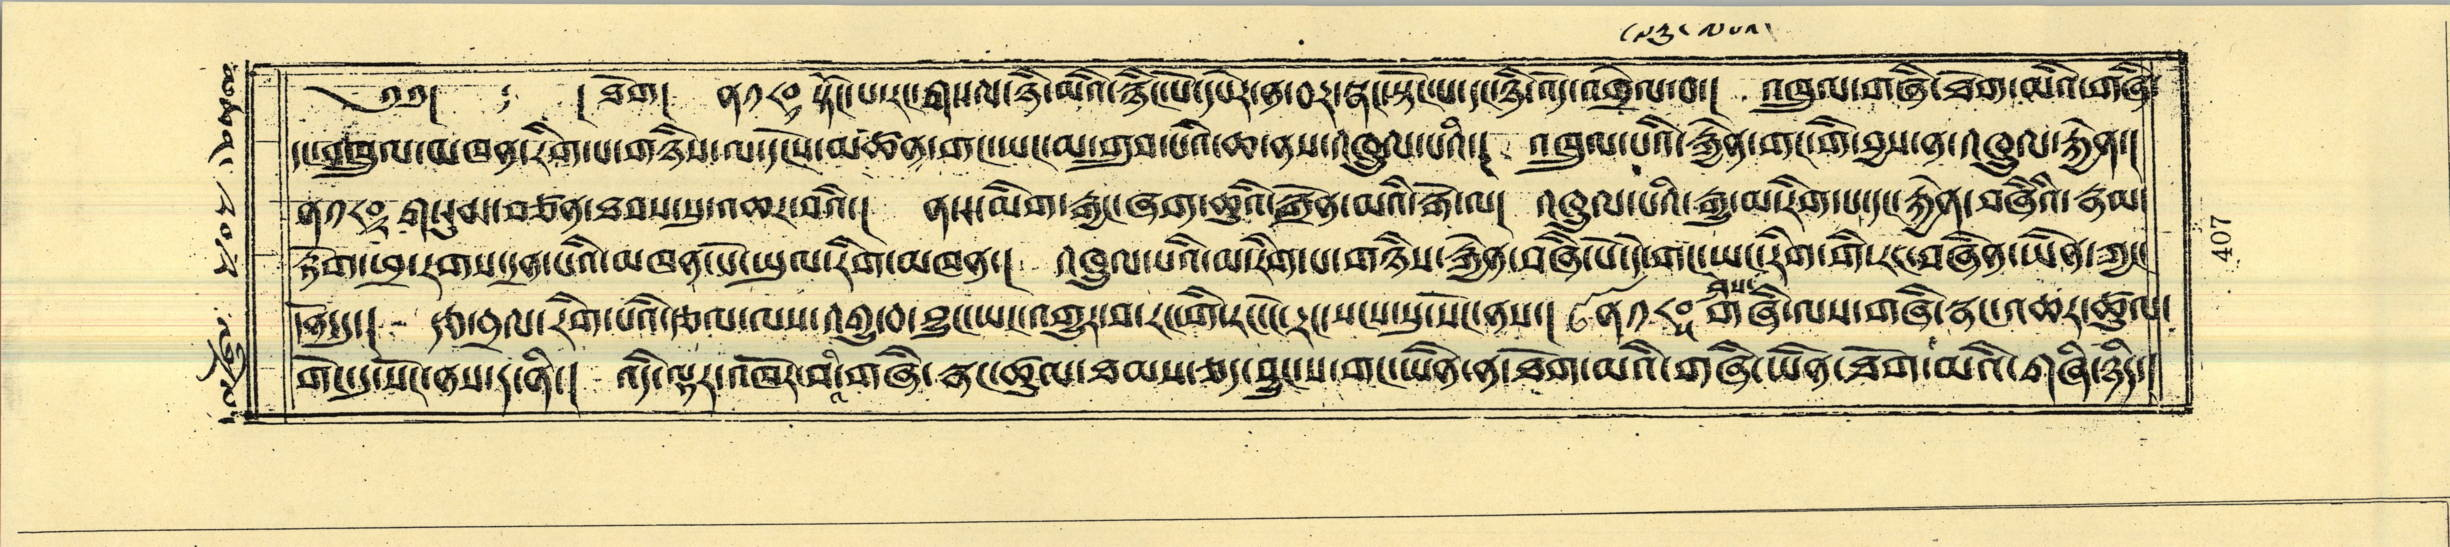ཐོག་ན༡༨༠།༡སྟོང་པ་༼རང་གསལ༽ཉི་མའི་སྙིང་པོ་དཔེར་ན་༼བར་སྣང་༽སྟོང་པ་དང་ཉི་འོད་འབྲེལ་བ་འཁྲུལ་གཞི་ཐོག་མའི་གཞི་
དང་འཁྲུལ་མཁན་རིག་པ་གཉིས་ལ་དངོས་མཚན་གང་ཡང་མ་གྲུབ་པའི་ཆ་ནས་༼འཁྲུལ་པའི༽འཁྲུལ་པའི་རྐྱེན་གང་གིས་བྱ་ན་༼འཁྲུལ་རྐྱེན་༽
ན༡༨༠།༢༼གསུམ་༽བཙན་ཐབས་སུ་འཆར་བའི་༼ནས༽མིག་རྒྱང་ཞགས་ཆུའི་སྒྲོན་མའི་སྒོ་ལ་འཁྲུལ་པའི་རྒྱུ་མ་རིག་པ་དང་རྐྱེན་བཞིིའི་རྣམ་
རྟོག་ཕྲ་རགས་དྲན་པའི་མཁན་པོ་ཡུལ་རིག་མཁན་༼འཁྲུལ་པའི༽མ་རིག་པ་གཉིས་རྐྱེན་བཞི་པོ་དེ་གང་ཡང་རིག་གི་རང་བཞིན་ཡིན་ཀྱང་
དོན་དུ་༼རྩ་བྲལ༽རིག་པའི་རྩལ་ལས་༼འགྱུ་བ༽བྱུང་ཡང་འགྱུར་བ་རང་གི་རང་ངོ་རང་སངས་སུ་སོང་ནས་ན༡༨༠།༥གཞི་ལས་གཞི་སྣང་འཆར་ཚུལ་
གོང་དུ་སོང་ནས་༼དེ་ནི༽འདི་ལྟར་འཁོར་བའི་གཞི་སྣང་ཚུལ་ཐམས་ཅད་བྱུང་ས་གང་ཡིན་ན་ཐོག་མའི་གཞི་ཡིན་ཐོག་མའི་༼གཞི་ཉིད༽